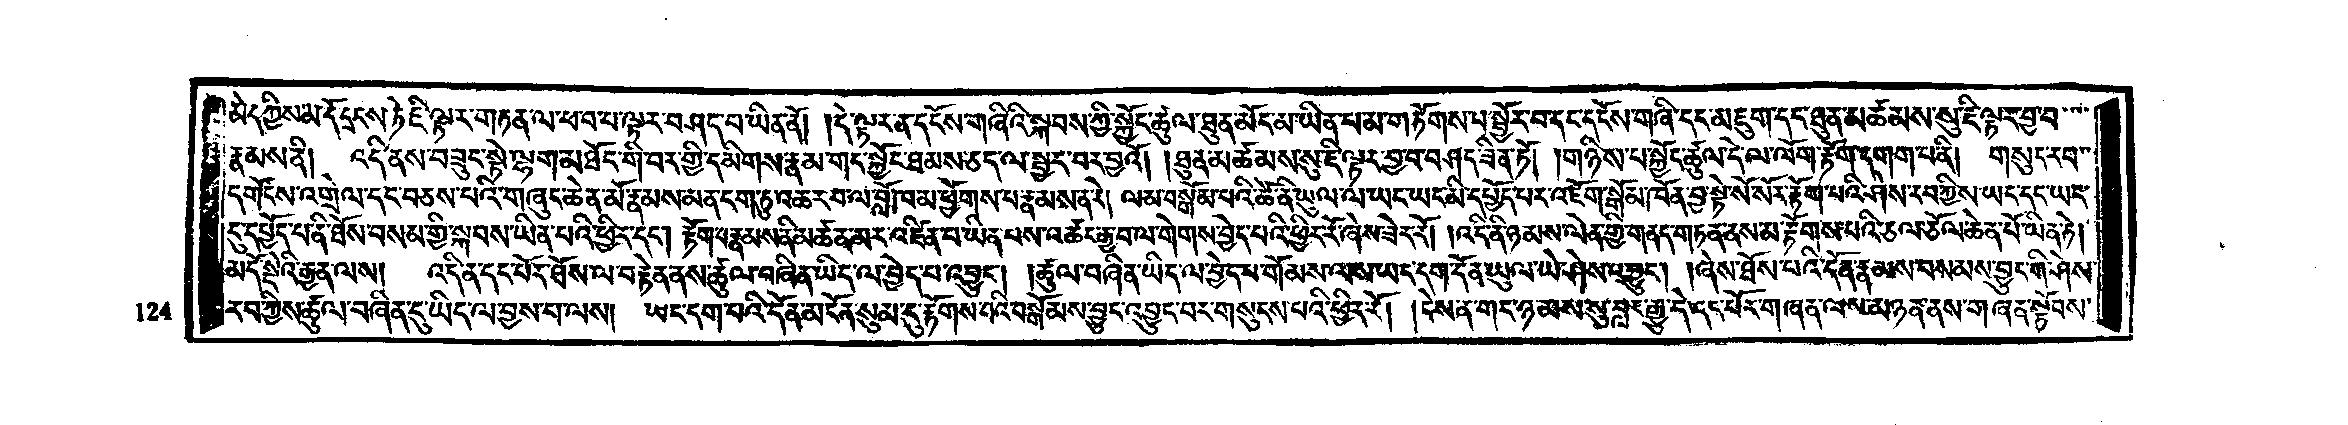མེད་ཀྱིས་མདོ་དྲངས་ཏེ་ཇི་ལྟར་གཏན་ལ་ཕབ་པ་ལྟར་བཤད་པ་ཡིན་ནོ། །དེ་ལྟར་ན་དངོས་གཞིའི་སྐབས་ཀྱི་སྐྱོང་ཚུལ་ཐུན་མོང་མ་ཡིན་པ་མ་གཏོགས་པ་སྦྱོར་བ་དང་དངོས་གཞི་དང་མཇུག་དང་ཐུན་མཚམས་སུ་ཇི་ལྟར་བྱ་བ་
རྣམས་ནི། འདི་ནས་བཟུང་སྟེ་ལྷག་མཐོང་གི་བར་གྱི་དམིགས་རྣམ་གང་སྐྱོང་ཐམས་ཅད་ལ་སྦྱར་བར་བྱའོ། །ཐུན་མཚམས་སུ་ཇི་ལྟར་བྱ་བ་བཤད་ཟིན་ཏོ། །གཉིས་པ་སྐྱོང་ཚུལ་དེ་ལ་ལོག་རྟོག་དགག་པ་ནི། གསུང་རབ་
དགོངས་འགྲེལ་དང་བཅས་པའི་གཞུང་ཆེན་མོ་རྣམས་མན་ངག་ཏུ་འཆར་བ་ལ་བློ་ཁ་མ་ཕྱོགས་པ་རྣམས་ན་རེ། ལམ་བསྒོམ་པའི་ཚེ་ནི་ཡུལ་ལ་ཡང་ཡང་མི་དཔྱོད་པར་འཇོག་སྒོམ་ཁོན་བྱ་སྟེ་སོ་སོར་རྟོག་པའི་ཤེས་རབ་ཀྱིས་ཡང་དང་ཡང་
དུ་དཔྱོད་པ་ནི་ཐོས་བསམ་གྱི་སྐབས་ཡིན་པའི་ཕྱིར་དང་། རྟོག་པ་རྣམས་ནི་མཚན་མར་འཛིན་པ་ཡིན་པས་འཚང་རྒྱ་བ་ལ་གེགས་བྱེད་པའི་ཕྱིར་རོ་ཞེས་ཟེར་རོ། །འདི་ནི་ཉམས་ལེན་གྱི་གནད་གཏན་ནས་མ་རྟོགས་པའི་ཅལ་ཅོལ་ཆེན་པོ་ཡིན་ཏེ།
མདོ་སྡེའི་རྒྱན་ལས། འདི་ན་དང་པོར་ཐོས་ལ་བརྟེན་ནས་ཚུལ་བཞིན་ཡིད་ལ་བྱེད་པ་འབྱུང་། །ཚུལ་བཞིན་ཡིད་ལ་བྱེད་པ་གོམས་ལས་ཡང་དག་དོན་ཡུལ་ཡེ་ཤེས་འབྱུང་། །ཞེས་ཐོས་པའི་དོན་རྣམས་བསམས་བྱུང་གི་ཤེས་
རབ་ཀྱིས་ཚུལ་བཞིན་དུ་ཡིད་ལ་བྱས་པ་ལས། ཡང་དག་པའི་དོན་མངོན་སུམ་དུ་རྟོགས་པའི་བསྒོམས་བྱུང་འབྱུང་བར་གསུངས་པའི་ཕྱིར་རོ། །དེས་ན་གང་ཉམས་སུ་བླང་རྒྱུ་དེ་དང་པོར་གཞན་ལས་མཉན་ནས་གཞན་སྟོབས་